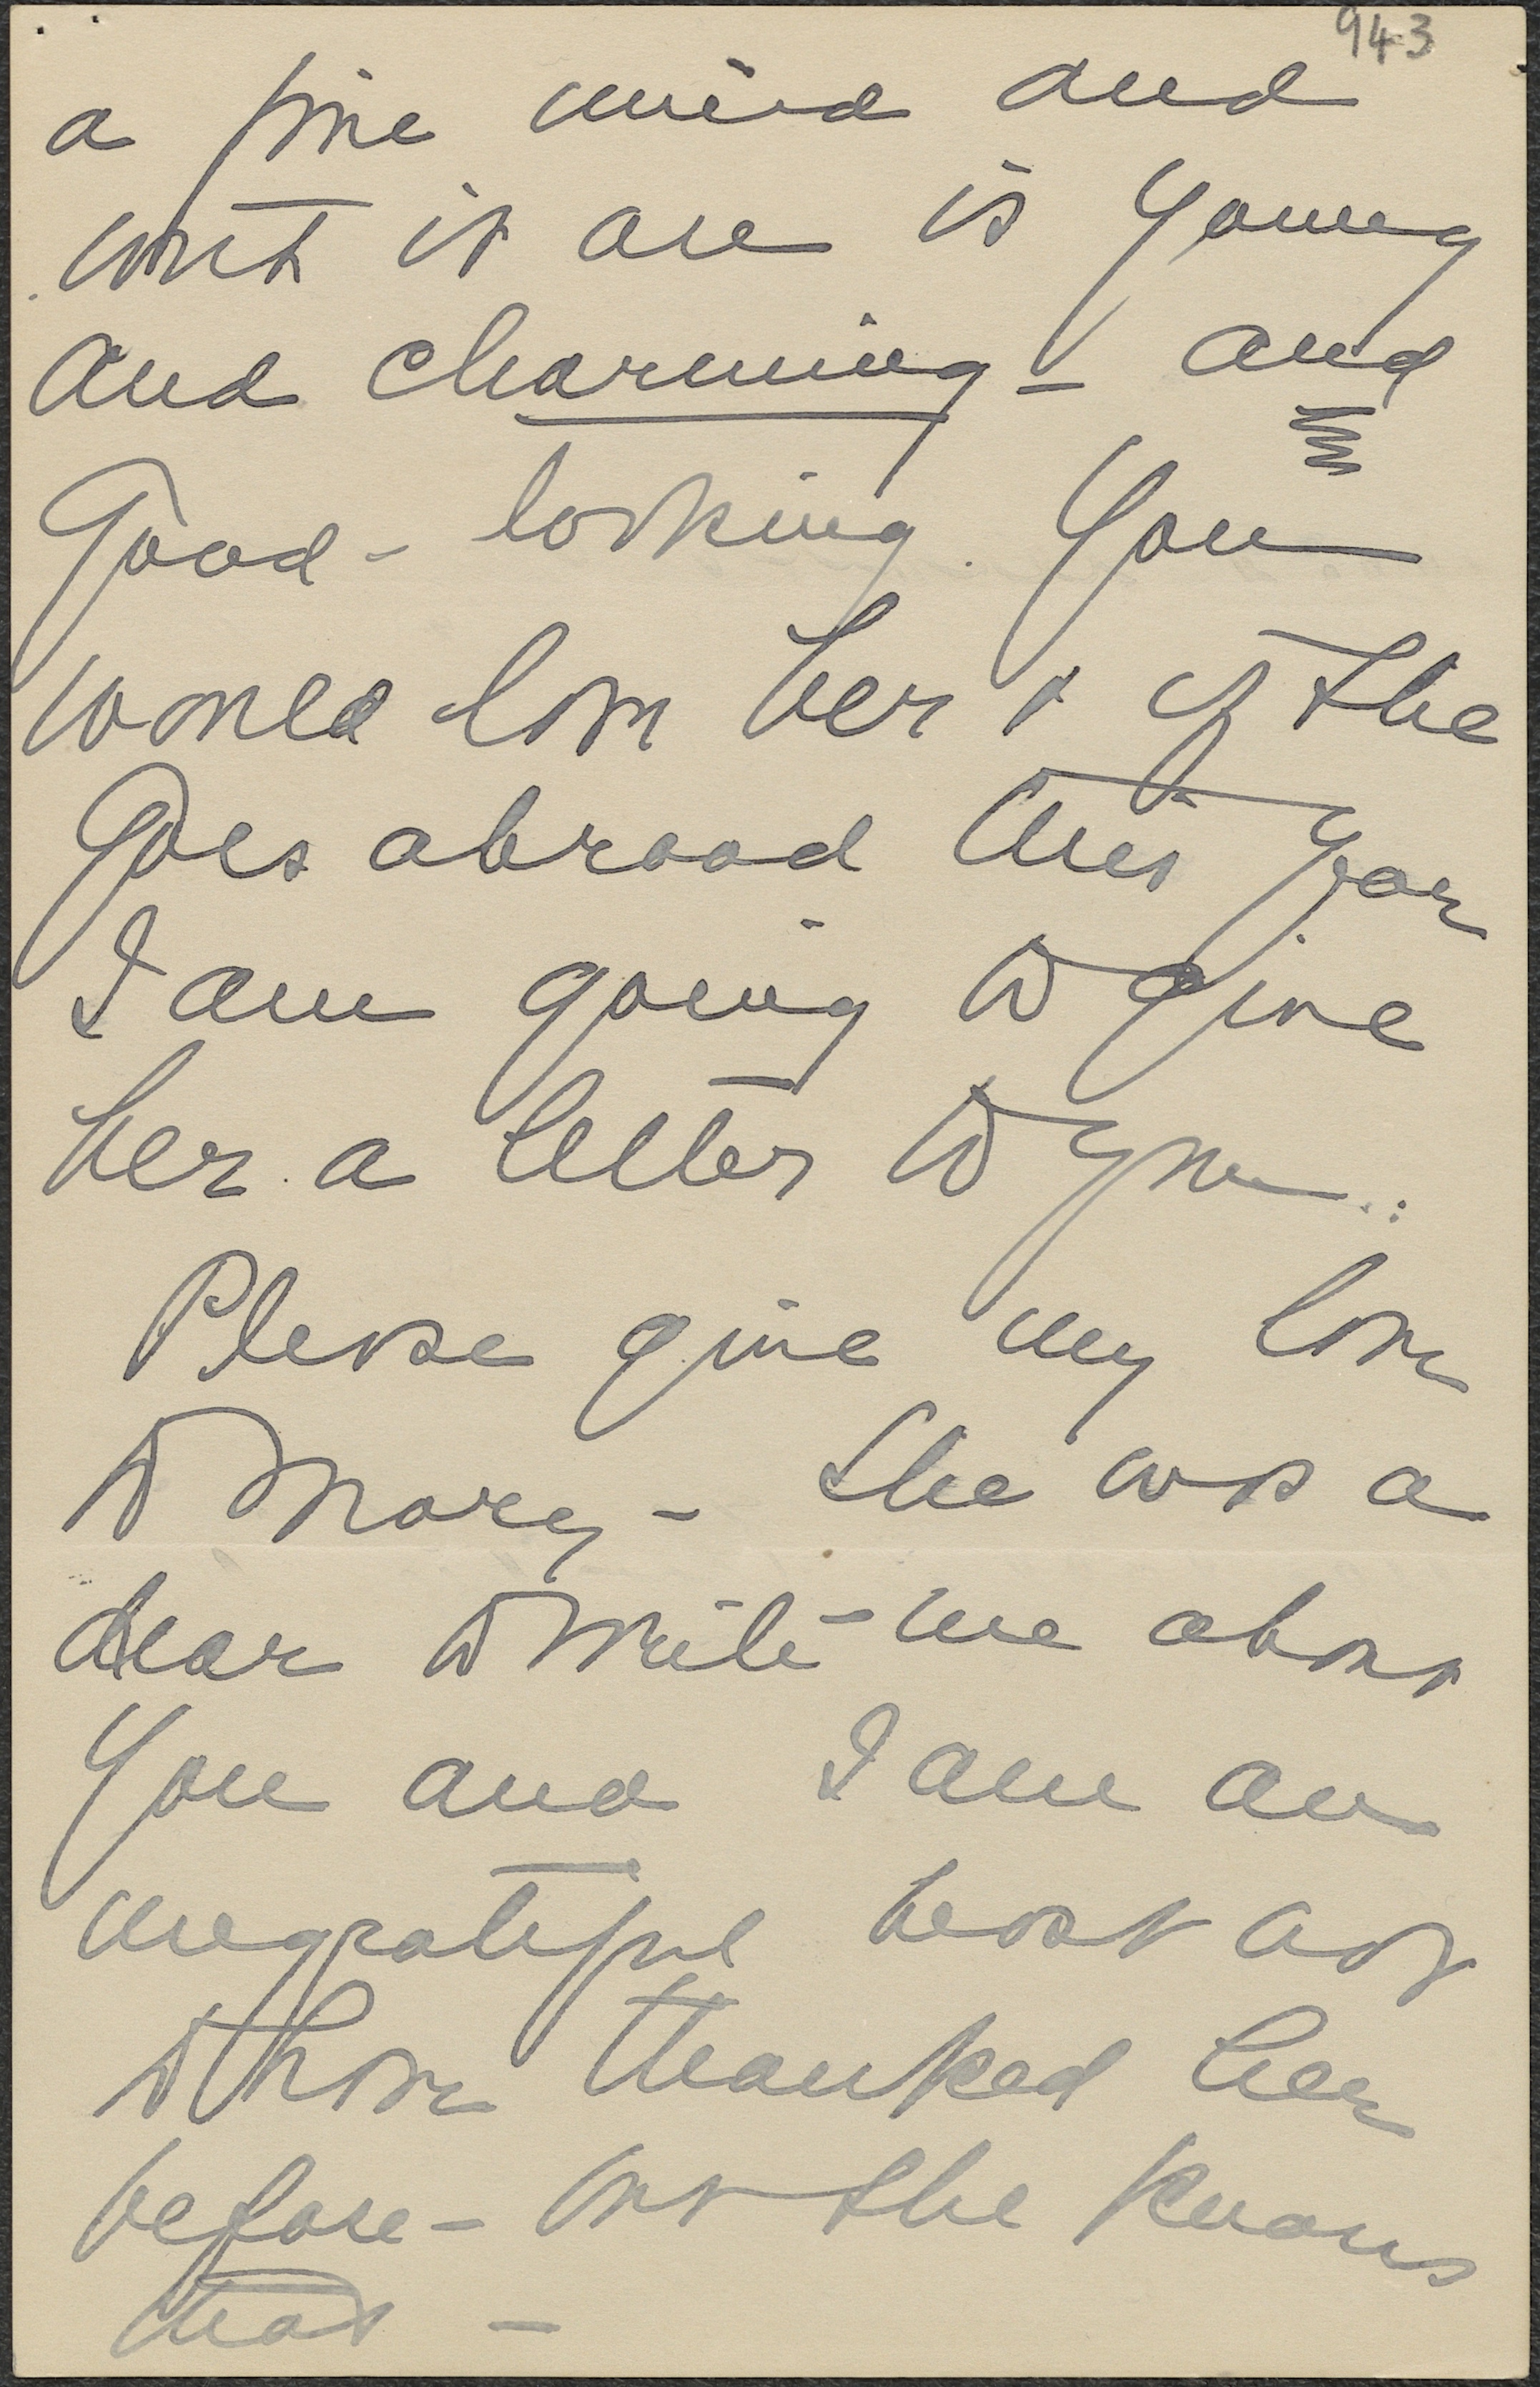a fine mind and with it all is young and charming – [octuple underlined: and] good-looking. You would love her & if she goes abroad this year I am going to give her a letter to you.
Please give my love to Mary – She was a dear to write me about you and I am an ungrateful beast not to have thanked her before – but she knows that –